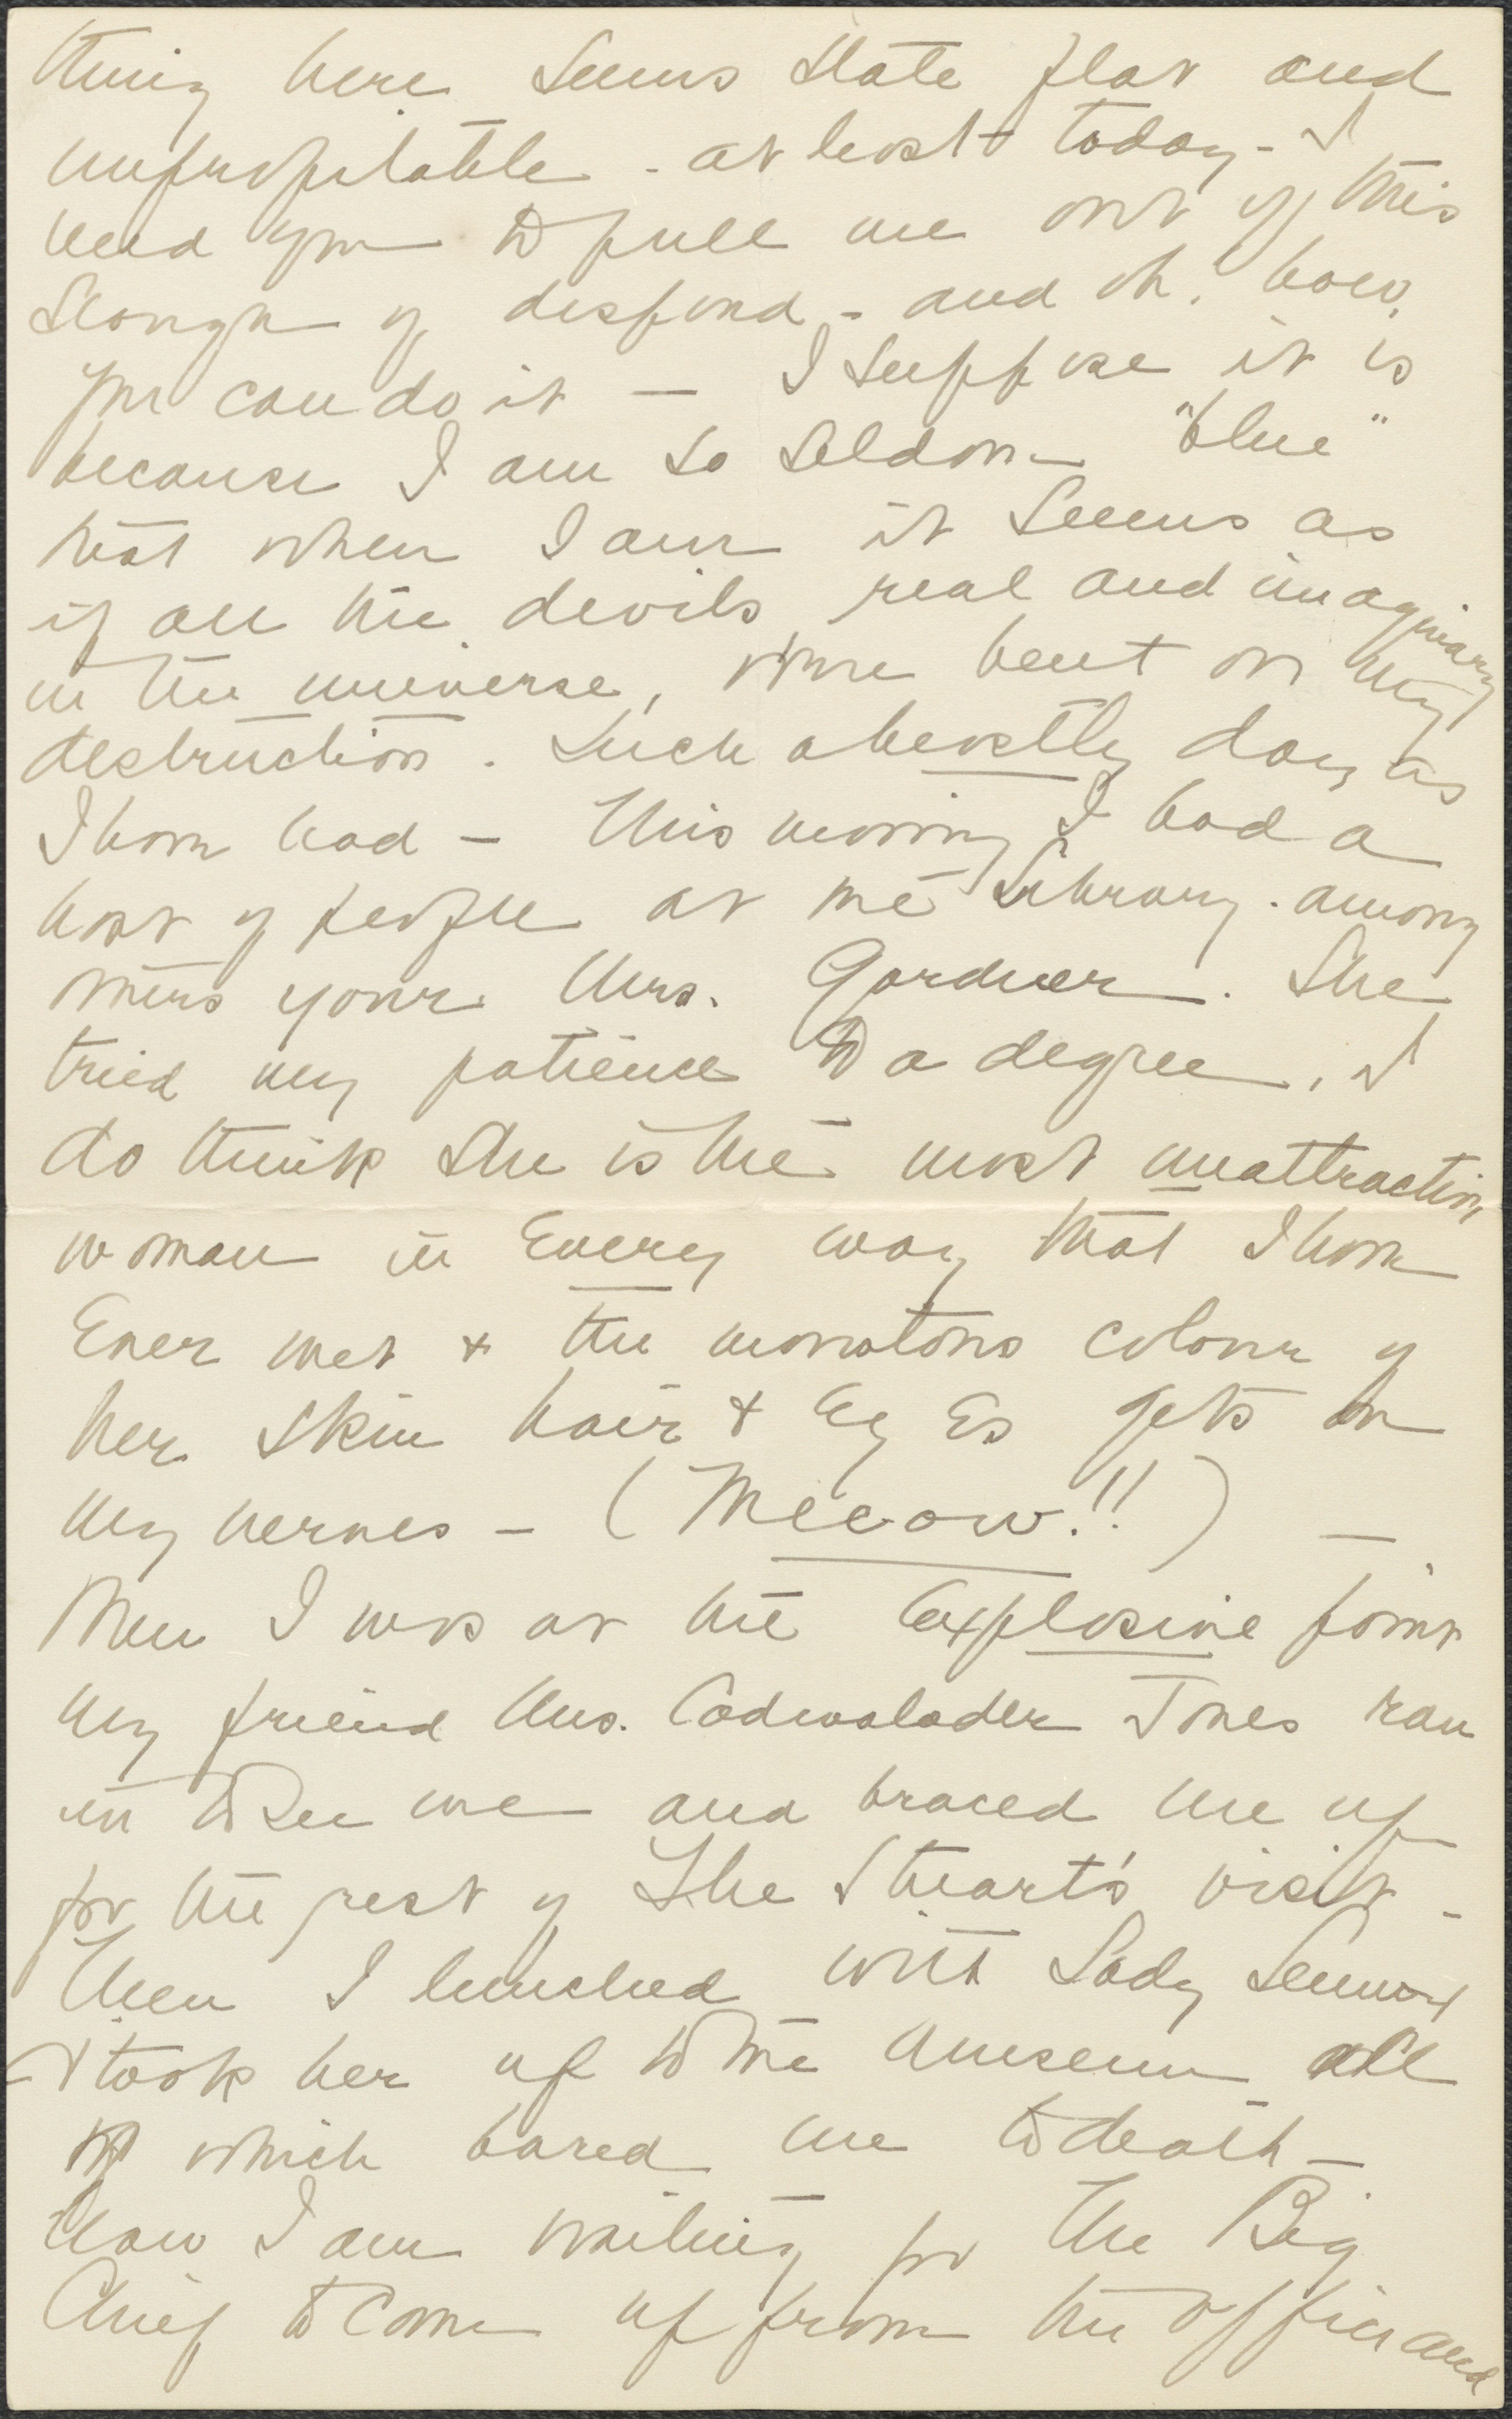thing here seems stale flat and unprofitable – at least today – I need you to pull me out of this slough of despond – and oh, how you can do it – I suppose it is because I am so seldom – “blue” that when I am it seems as if all the devils real and imaginary in the universe, were bent on my destruction. Such a beastly day as I have had – This morning I had a host of people at the Library. among others your Mrs. Gardner. She tried my patience to a degree, I do think she is the most unattractive woman in every way that I have ever met & the monotous [sic] colour of her skin hair & eyes gets on my nerves – (Meeow!!) –
When I was at the explosive point my friend Mrs. Cadwalader Jones ran in to see me and braced me up for the rest of the Stuart’s [sic] visit – Then I lunched with Lady Lennox & took her up to the museum all of which bored me to death – Now I am waiting for The Big Chief to come up from the office and